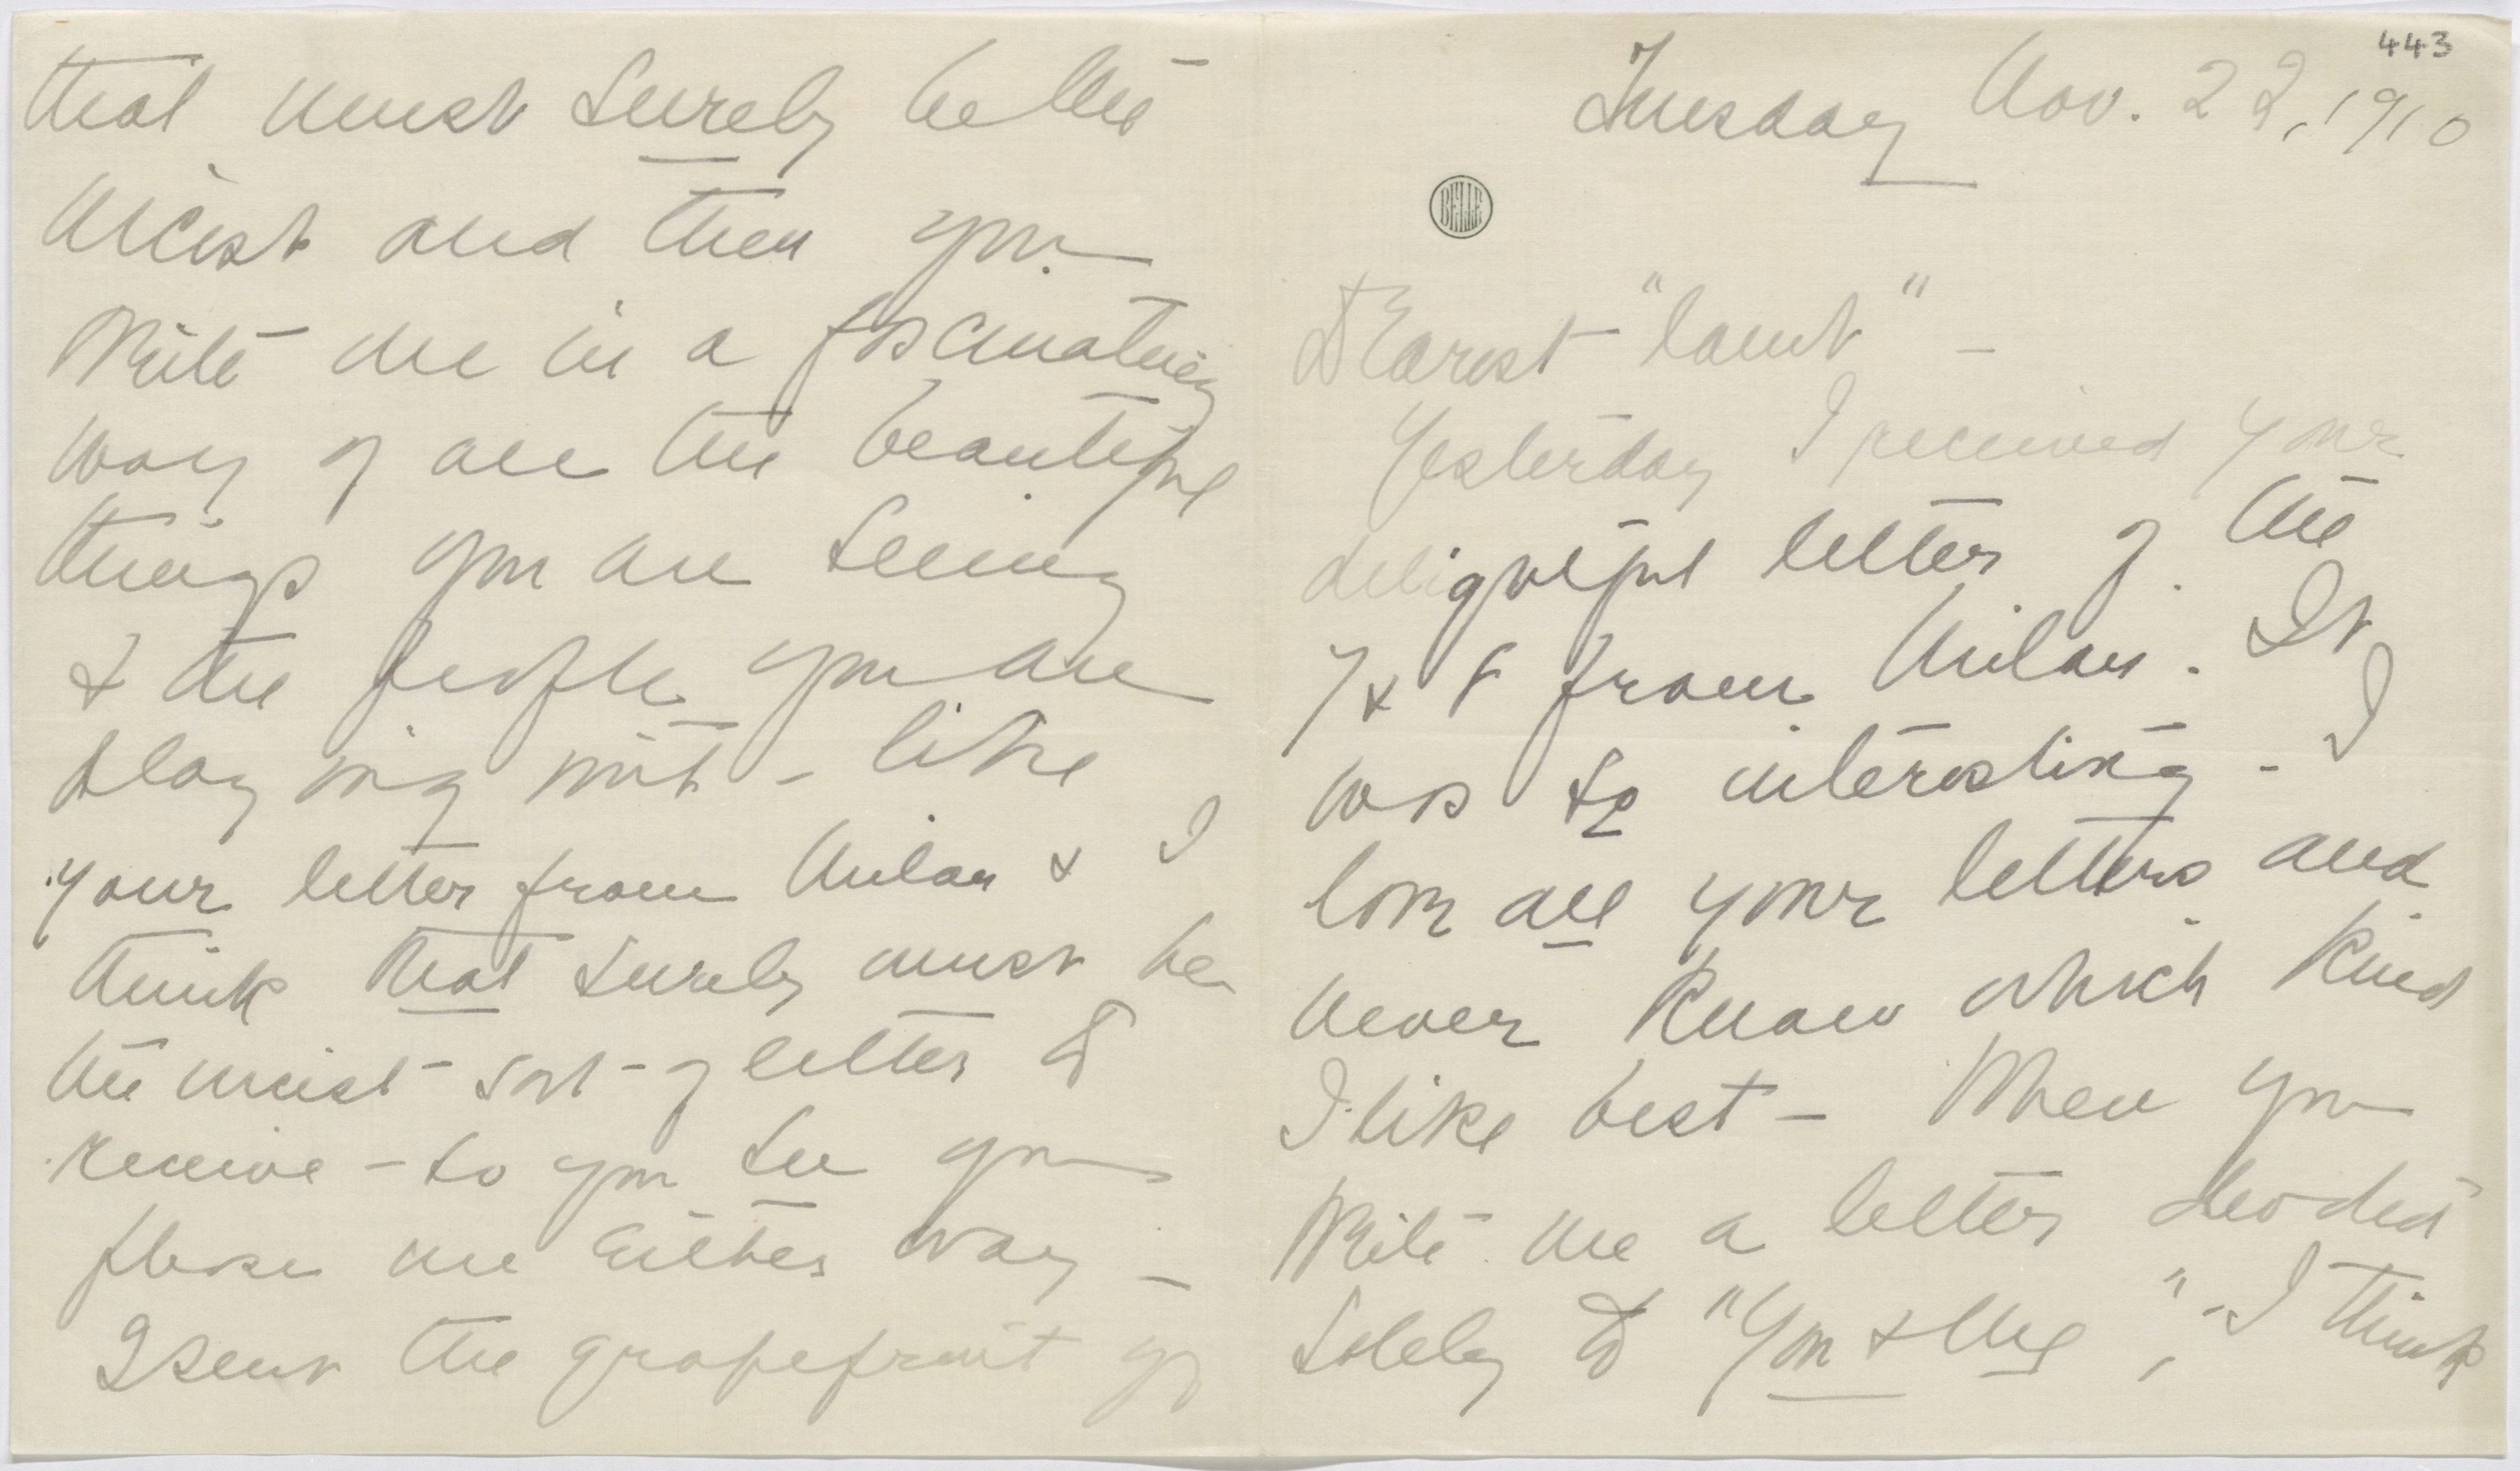Tuesday Nov. 22
Dearest “lamb” –
Yesterday I received your delightful letter of the 7 & 8 from Milan: It was so interesting – I love all your letters and never know which kind I like best – When you write me a letter devoted solely to “You & Me,” I think
that must surely be the nicest and then you write me in a fascinating way of all the beautiful things you are seeing & the people you are playing with – like your letter from Milan & I think that surely must be the nicest sort of letter to receive – so you see you please me either way – I sent the grapefruit [you?]